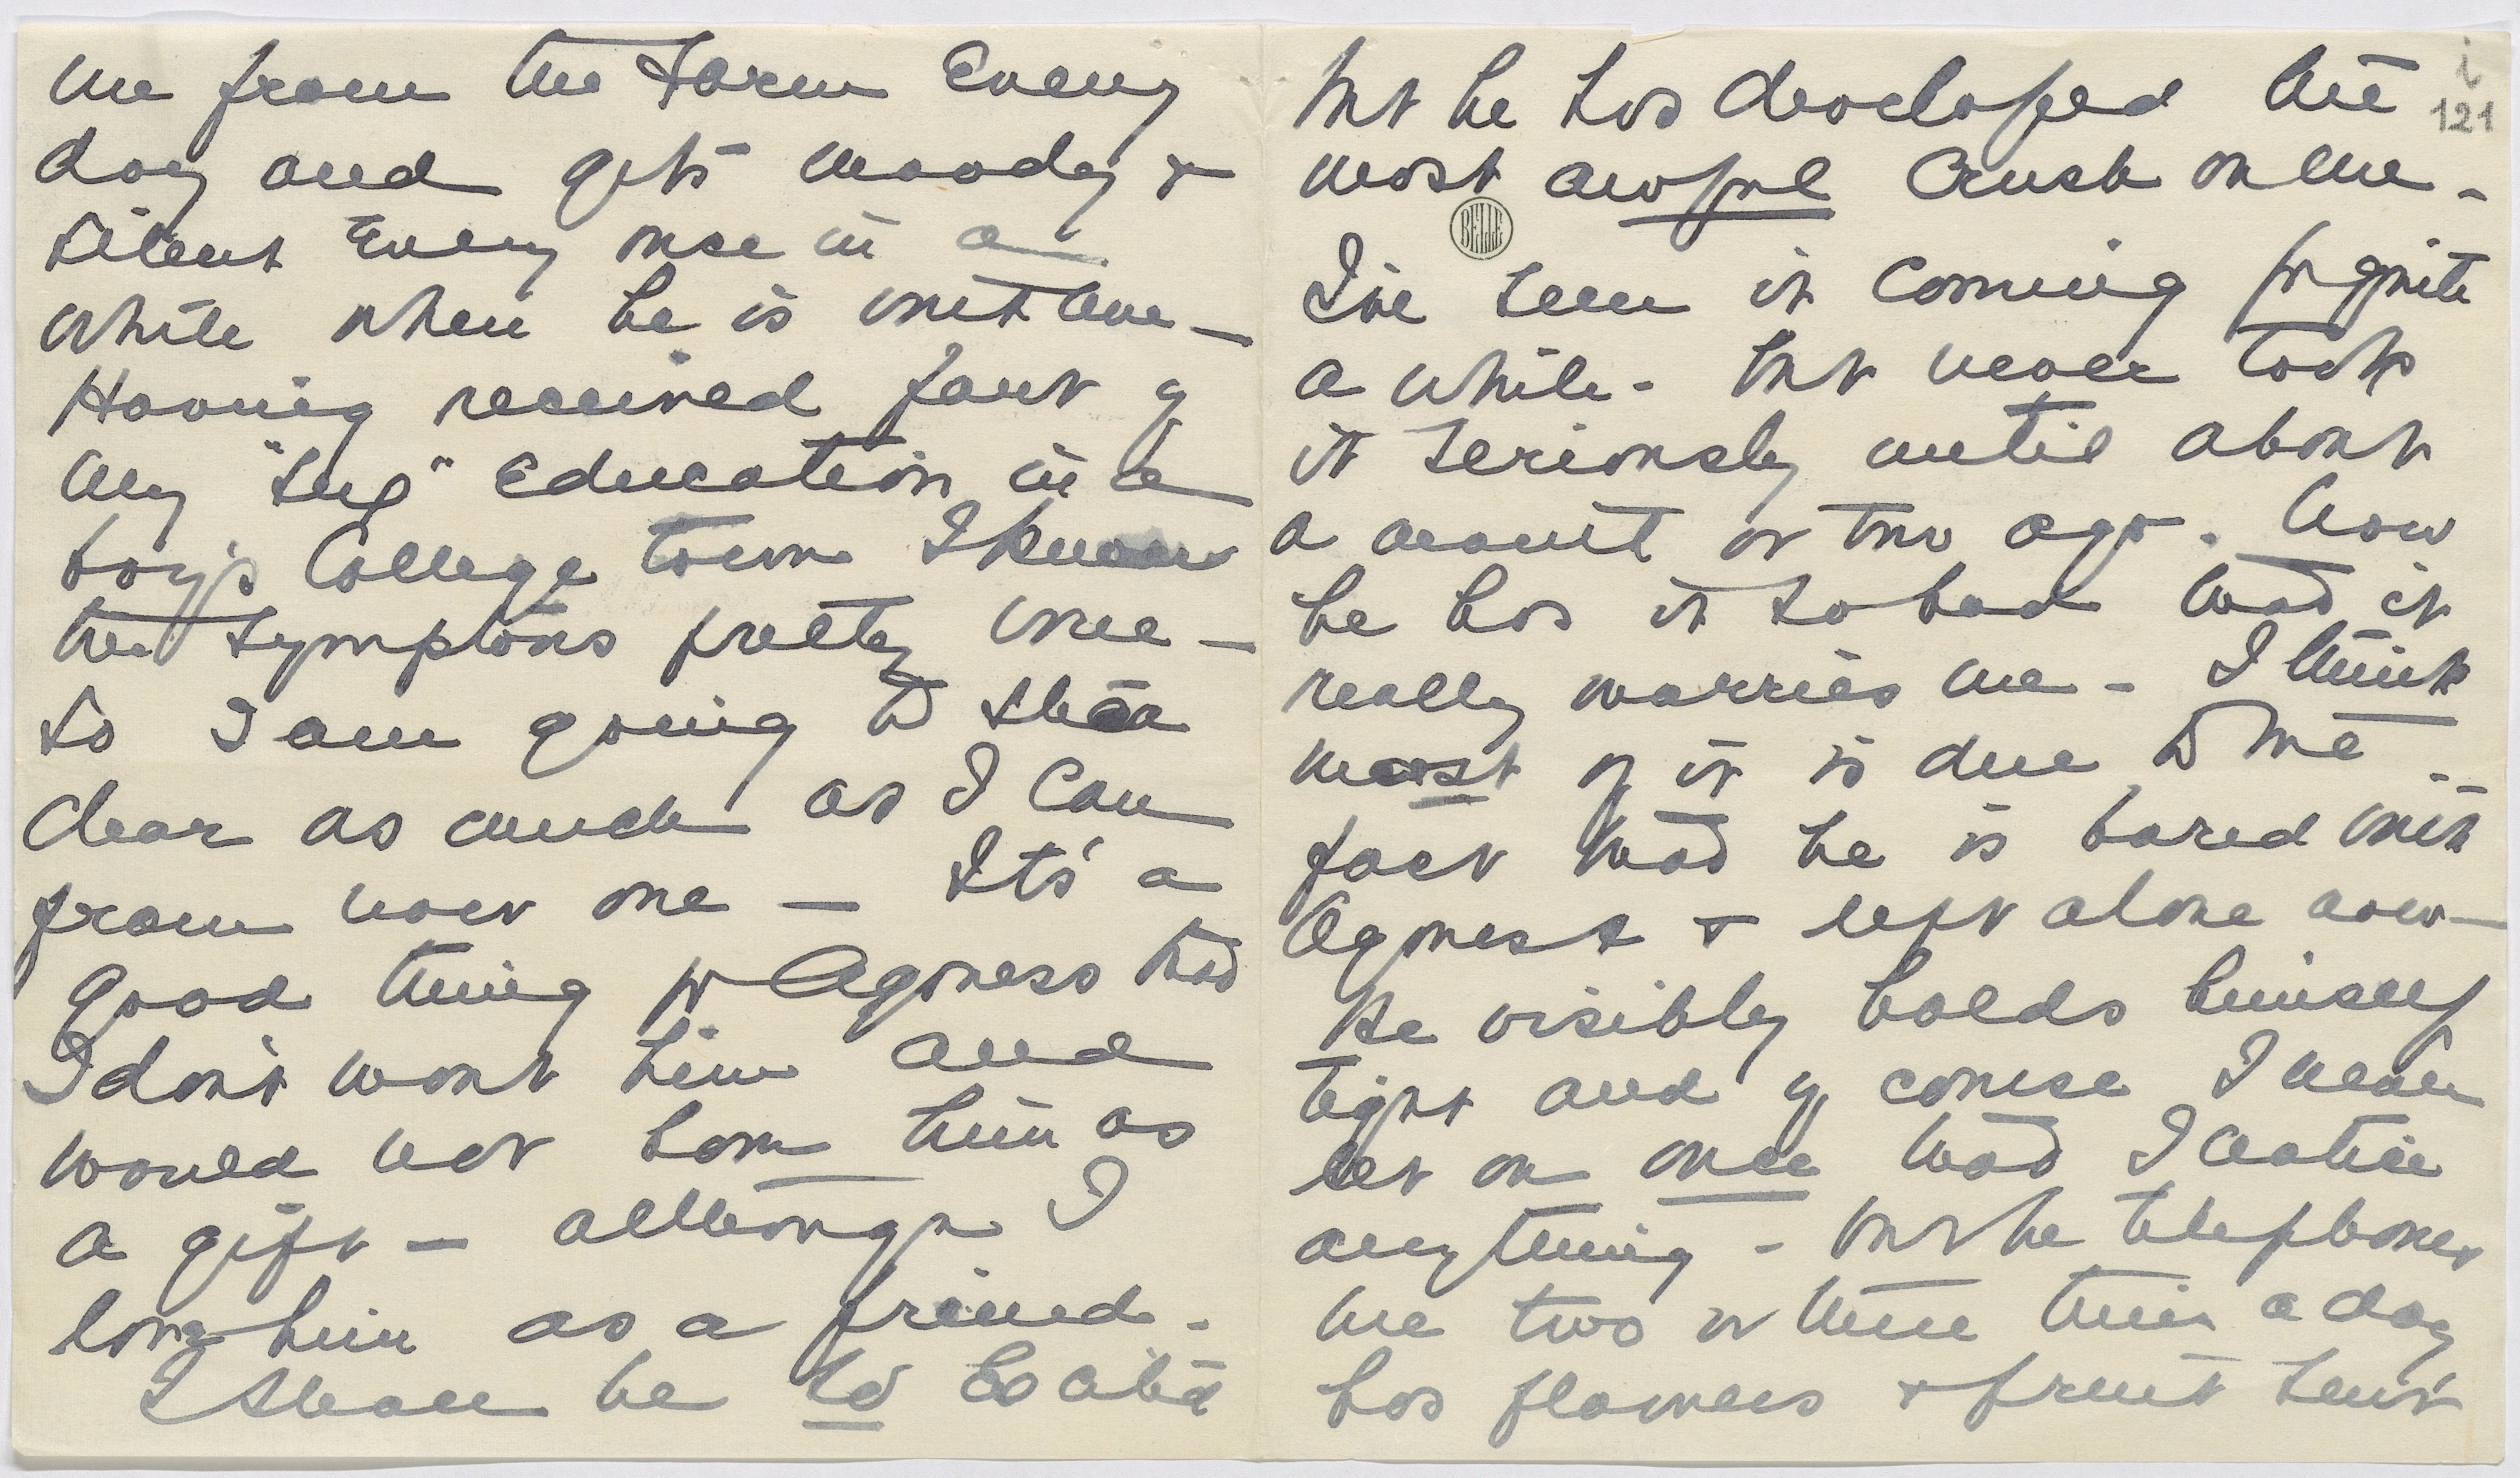but he has developed the most awful crush on me – I’ve seen it coming for quite a while – but never took it seriously until about a month or two ago. Now he has it so bad that it really worries me – I think most of it is due to the fact that he is bored with Agoness & left alone now – He visibly holds himself tight and of course I never let on once that I notice anything – but he telephones me two or three times a day, has flowers & fruit sent
me from the farm every day and gets moody & silent every once in a while when he is with me – Having received part of my “sex” education in a boy’s college town I know the symptoms pretty well – So I am going to steer clear as much as I can from now one [sic] – It’s a good thing for Agoness that I don’t want him and would not have him as a gift – although I love him as a friend – I shall be so excited